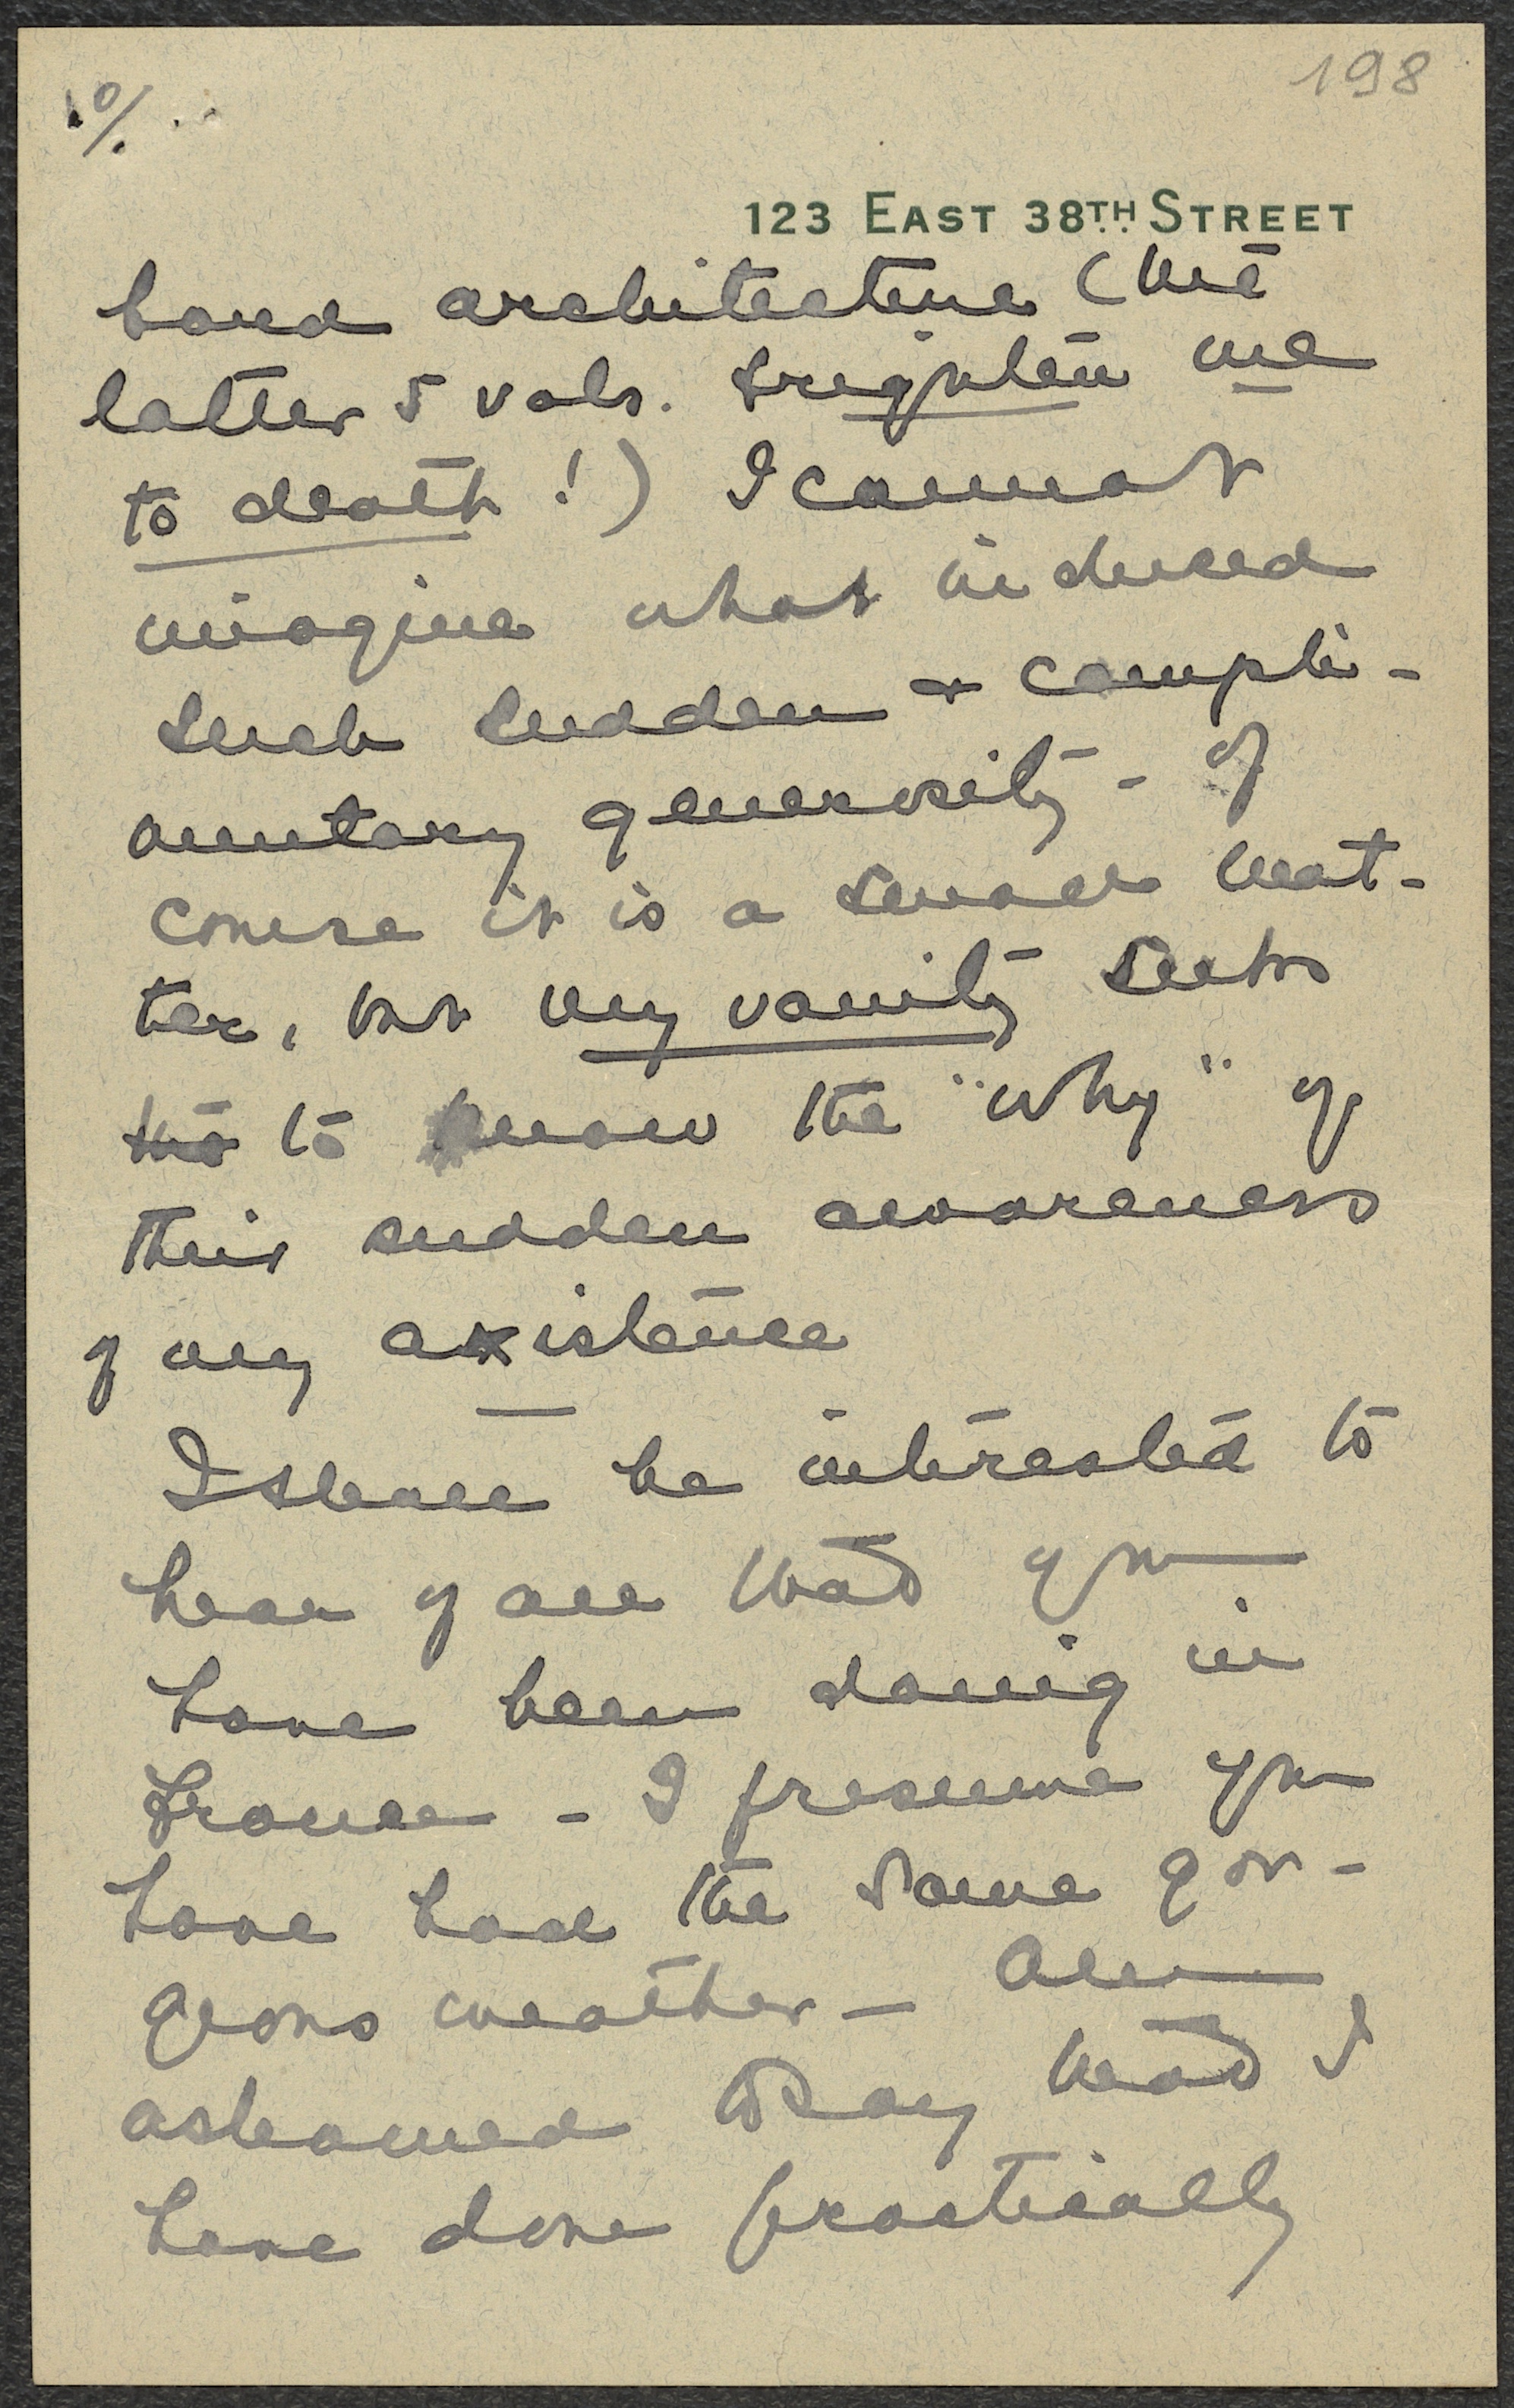Lombard architecture (the latter 5 vols. frighten me to death!) I cannot imagine what induced such sudden & complimentary generosity – of course it is a small matter, but my vanity seeks the to know the "why" of their sudden awareness of my existence –
I shall be interested to hear of all that you have been doing in France – I presume you have had the same gorgeous weather – Am ashamed to say that I have done practically